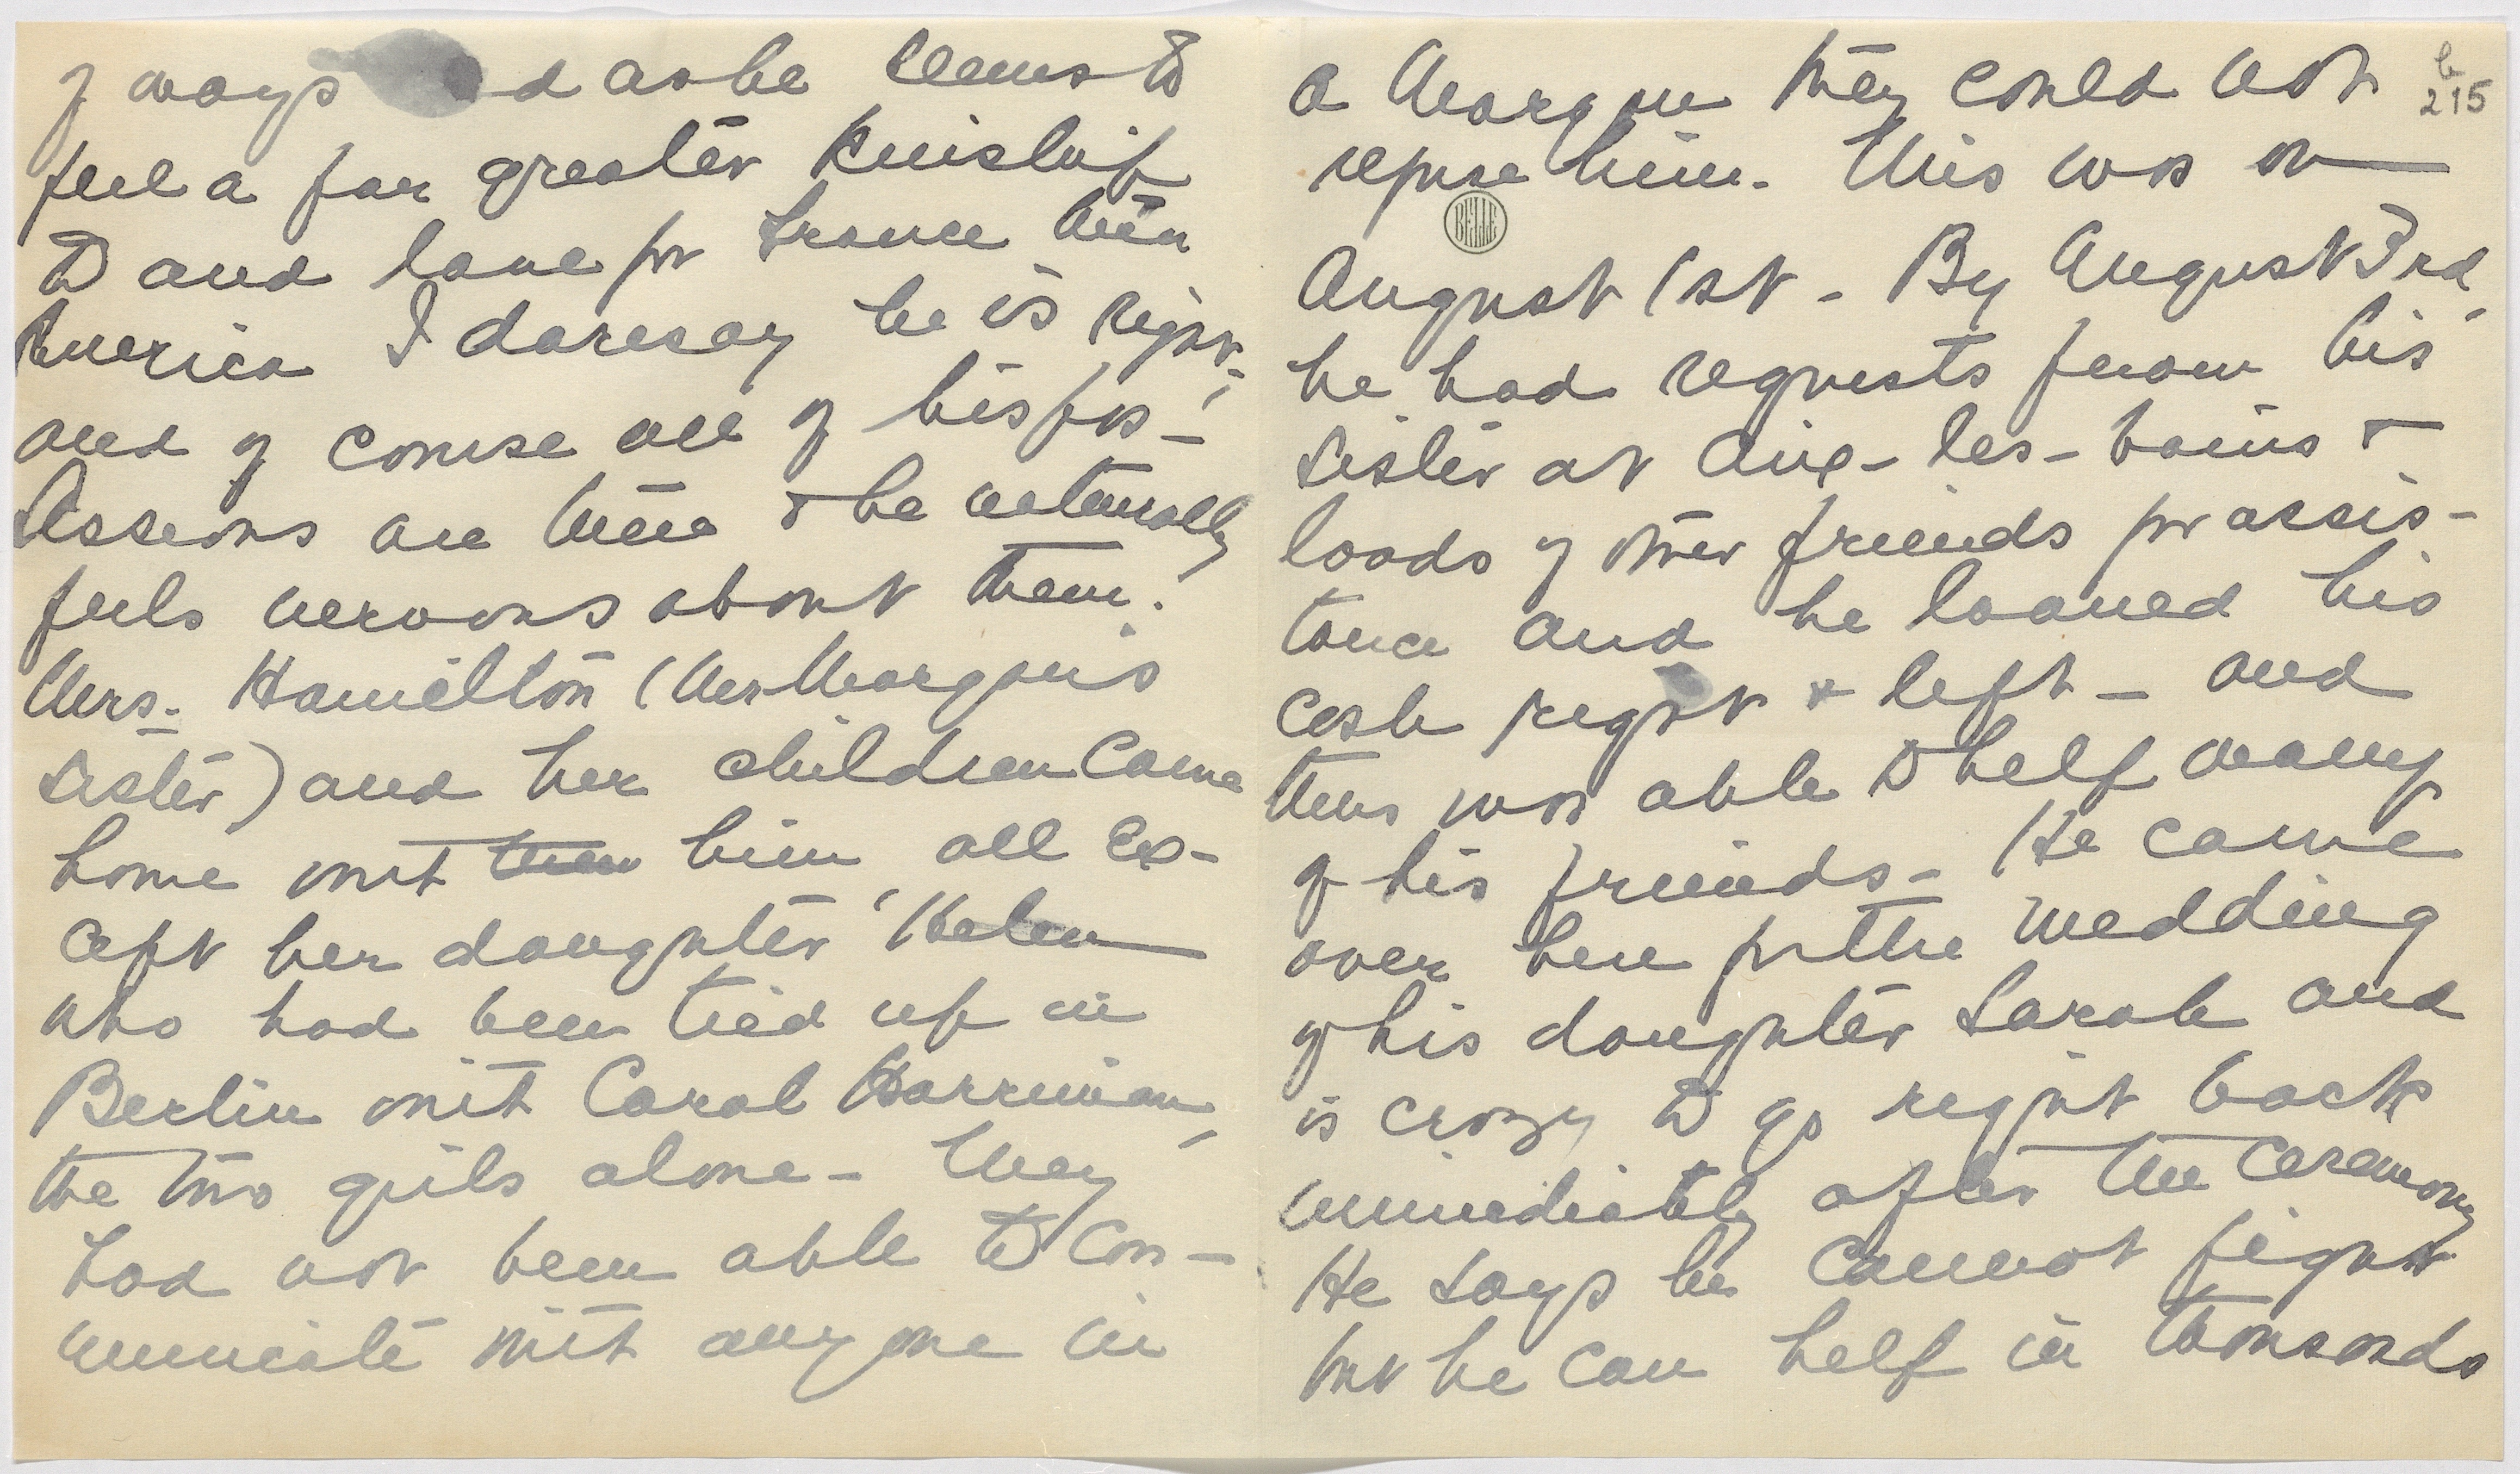a Morgan they could not refuse him. This was on August 1st. By August 3rd, he had requests from his sister at Aix-les-bains & loads of other friends for assistance and he loaned his cash right & left – and then was able to help many of his friends – He came over here for the wedding of his daughter Sarah and is crazy to go right back immediately after the ceremony. He says cannot fight but he can help in thousands
of ways and as he seems to feel a far greater kinship to and love for France than America I daresay he is right – and of course all of his possessions are there & he naturally feels nervous about them. Mrs. Hamilton (Mr Morgan’s sister) and her children came home with them him all except her daughter Helen who had been tied up in Berlin with Carol Harriman, the two girls alone – they had not been able to communicate with anyone in